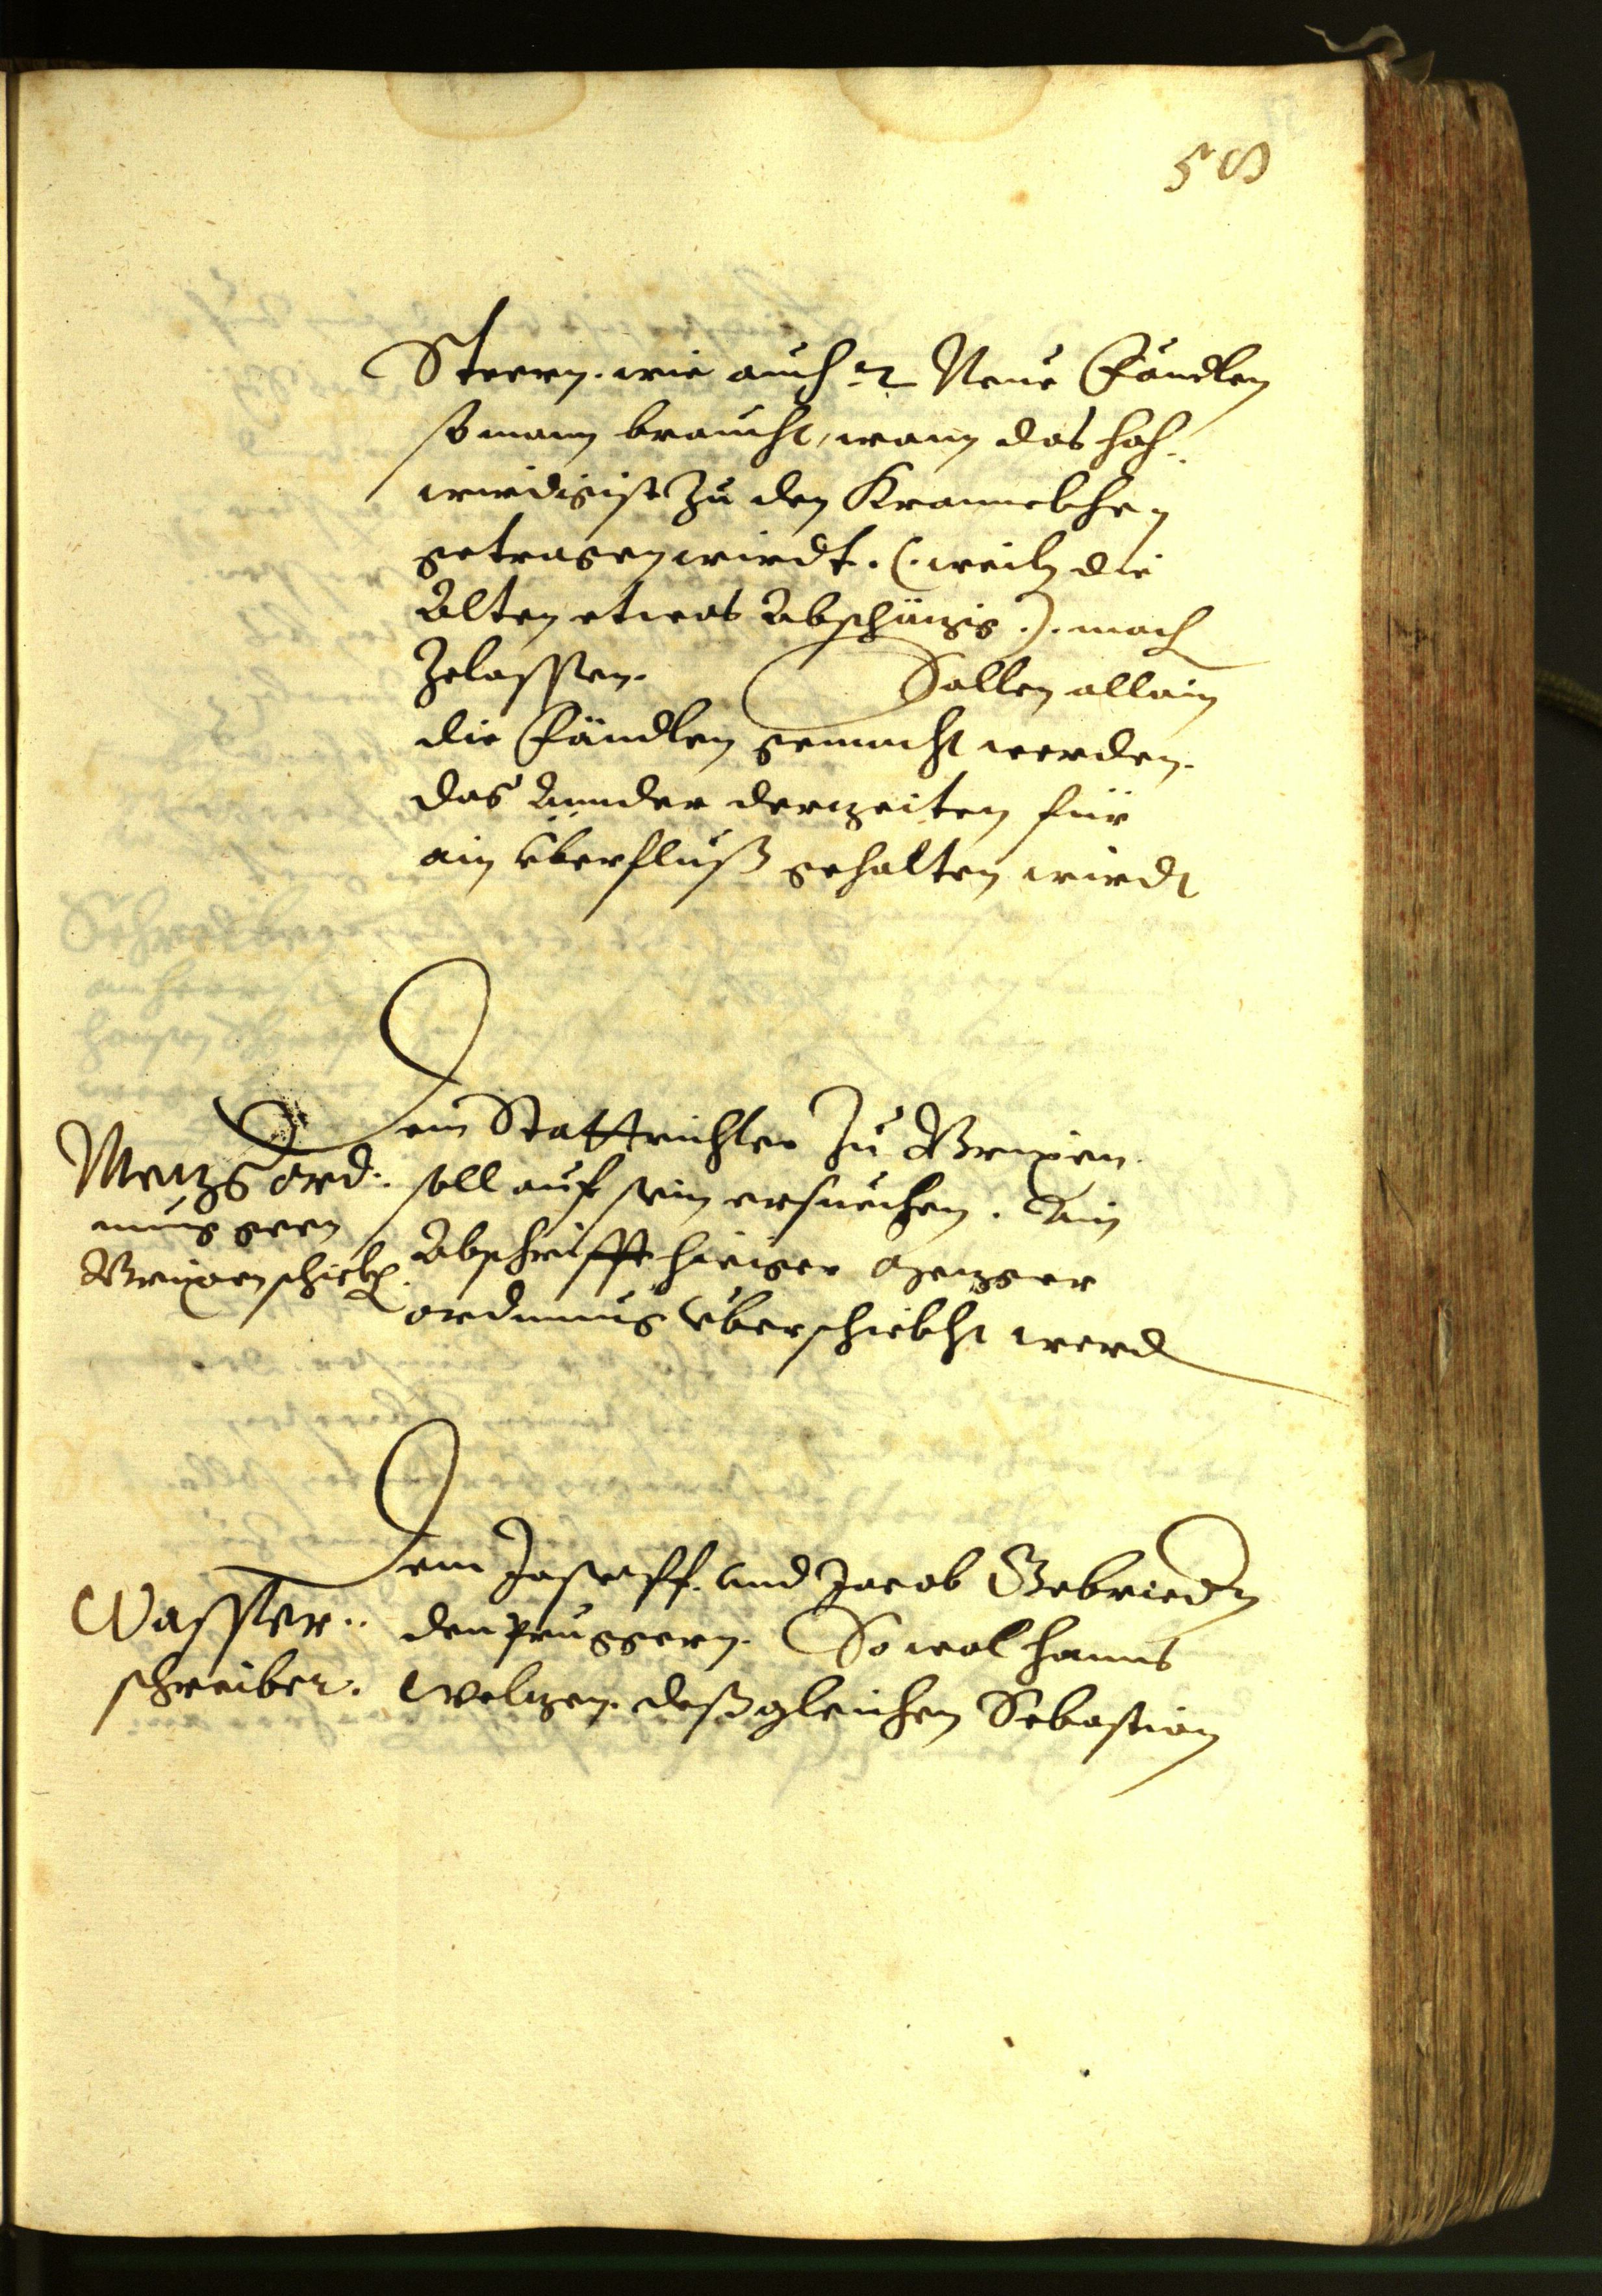58
Steern. wie aūch 2 Neūe Fāndlen
so man braūcht, wann das hoch¬
wirdigist Zū den Krannckhen
getragen wirdt .(.weiln die
Alten etwas Abschäzig.). mach
Zelassen. Sollen allain
die Fändlen gemacht werden.
das Annder derzeiten für
ain v̈berflūß gehalten wirdt.
Dem Stattrichter Zū Brixen
soll aūf sein ersūechen. Ain
Abschrifft hieiger Mezger
ordnūng v̄berschickht werd.
Mezg ord¬
nūng geen
Brixen schick.
Wasser¬
schreiber.
Dem Joseff. vnd Jacob Gebriedn
den Prūggern. So wol hanns
Welzen. deßgleichen Sebastian